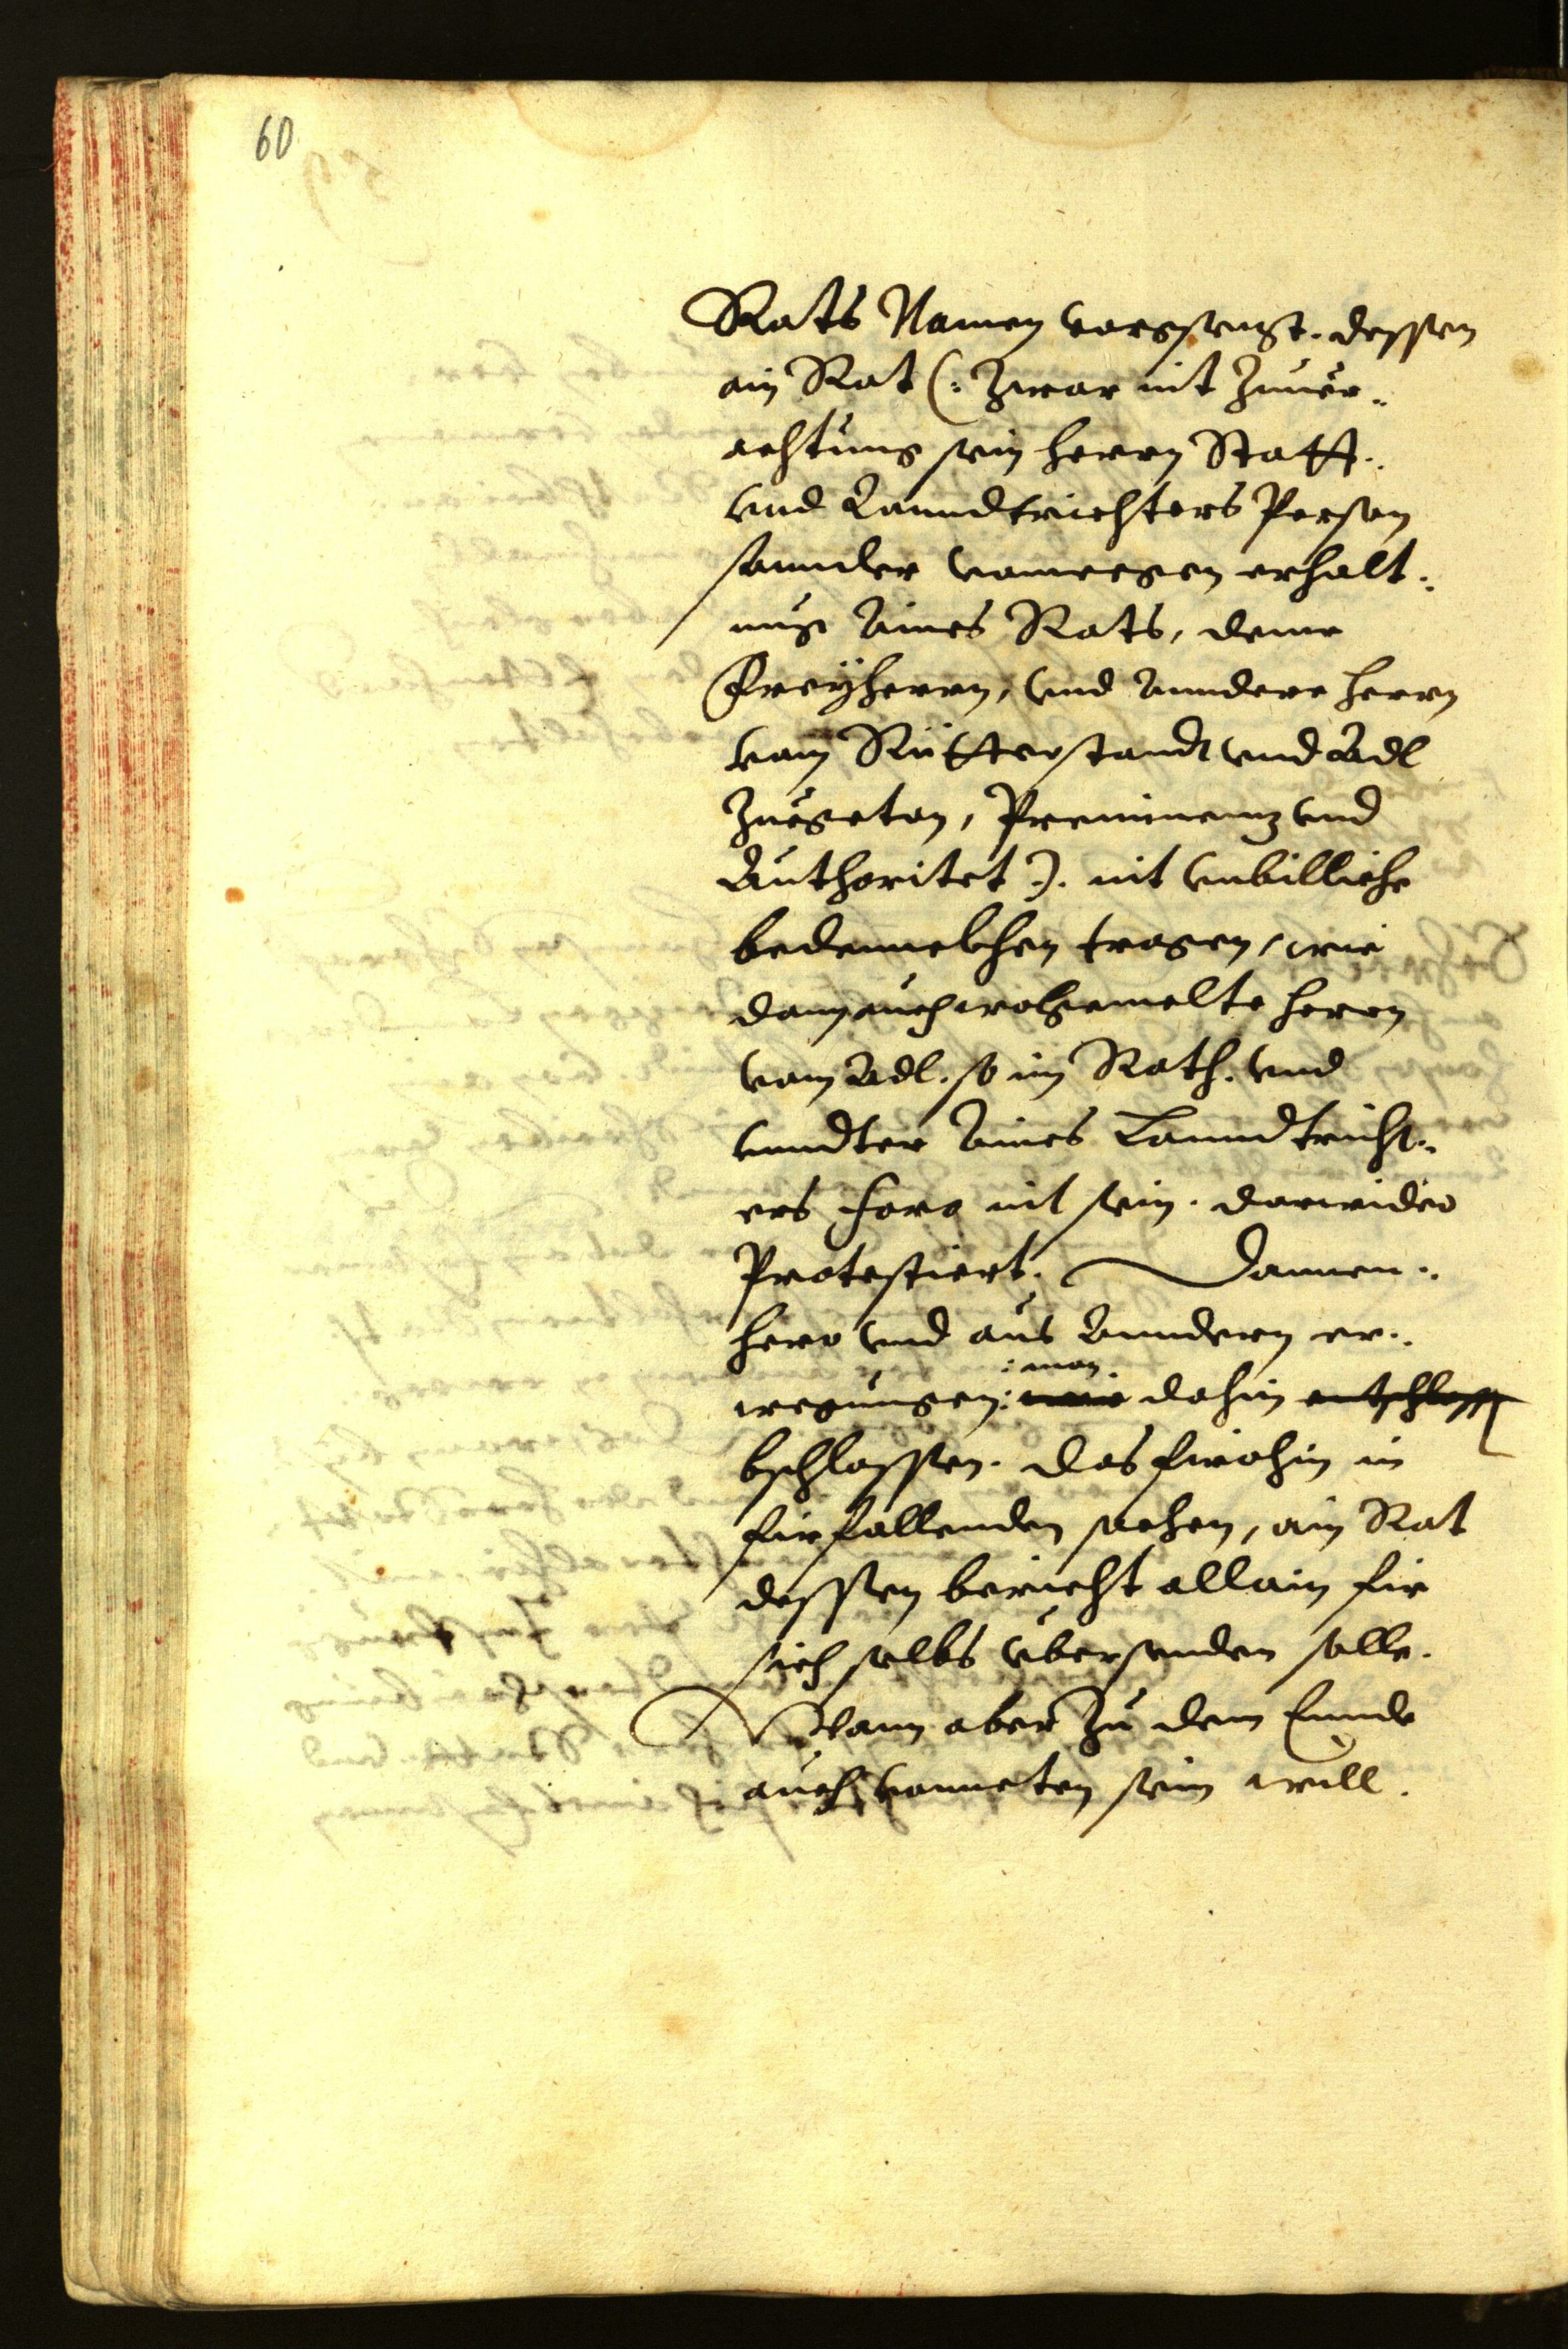60
Rats Namen vorgesetzt. dessen
ain Rat (: zwar nit Zūuēr¬
achtūng sein herrn Statt¬
vnd Lanndtrichters Person
sonnder vonwegen erhalt¬
ūng Aines Rats, deme
Freÿherrn, vnd Anndere herrn
vom Rütterstandt vnd Adl
Zūegetan, Preminenz vnd
Aūthoritet.). nit vnbilliche
bedennckhen tragen, wie
dann aūch wolgemelte herrn
vom Adl. so im Rath. vnd
vndter Aines Lanndtricht¬
ers foro nit sein. darwider
Protestiert. Dannen¬
hero vnd aūs Anndern er¬
:man
wegūngen: wie dahin entschlossen
bschlossen. das firohin in
fir fallenden sachen, ain Rat
dessen bericht allain fir
sich selbs v̄bersenden solle.
Wann aber Zū dem Ennde
aūch vonneten sein will.